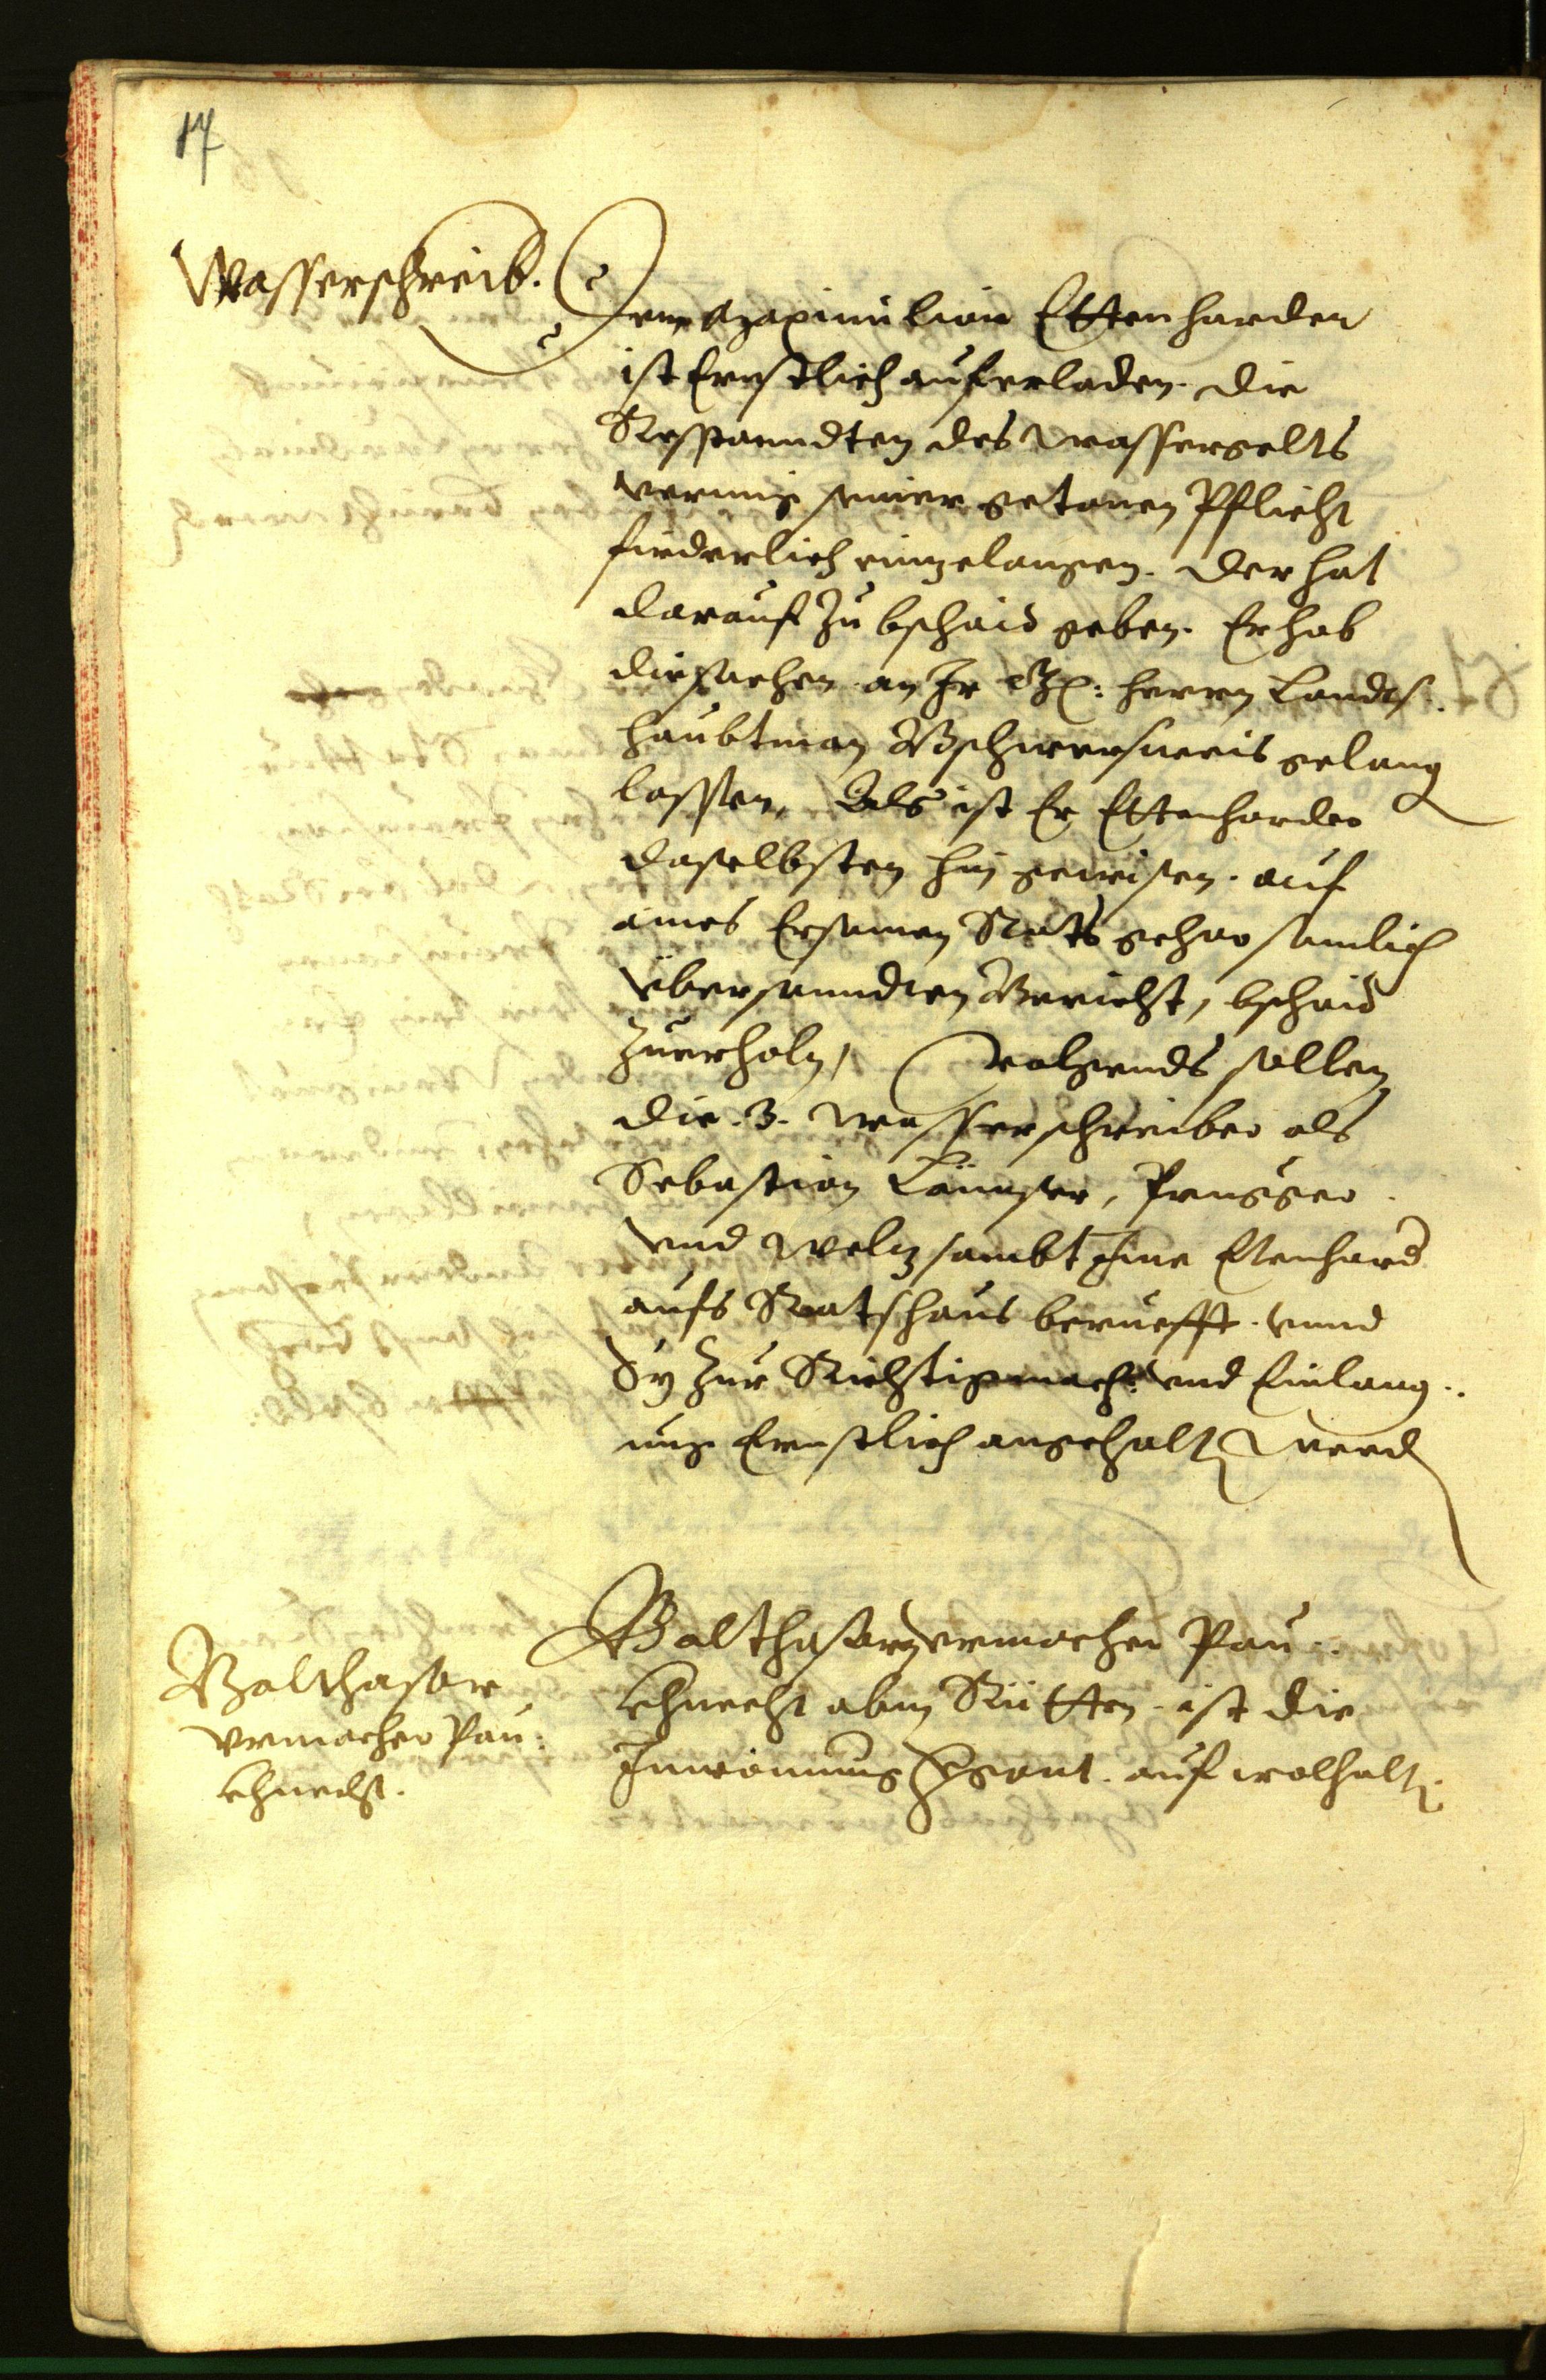17
Wasserschreib.
Dem Maximilian Ettenharden
ist Ernstlich aūferladen. die
Resstanndten des Wassergelts
vermig seiner getanen Pflicht
firderlich einzelangen. der hat
daraūf Zū bschaid geben. Er hab
die sachen an Ir G: herrn Landts¬
haūbtman Bschwersweis gelang
lassen, Als ist Er Ettenharder
daselbsten hin gewisen. aūf
aines Ersamen Rats gehorsamlich
v̈bersanndten Bericht, bschaid
Zūerholn, Volgends sollen
die .3. Wasserschreiber als
Sebastian Lännser, Prūgger
vnd Welz sambt Ime Etenhard
aūfs Rathaūs berūefft. vnnd
Sȳ Zūr Richtigmach: vnd Einlang¬
ūng Ernstlich angehalt werd
Balthasarn Vrmacher Paū¬
khnecht obm Rütten. ist die
Innwonūng vgont. aūf wolhalt.
Balthasar
Vrmacher Paū¬
khnecht.